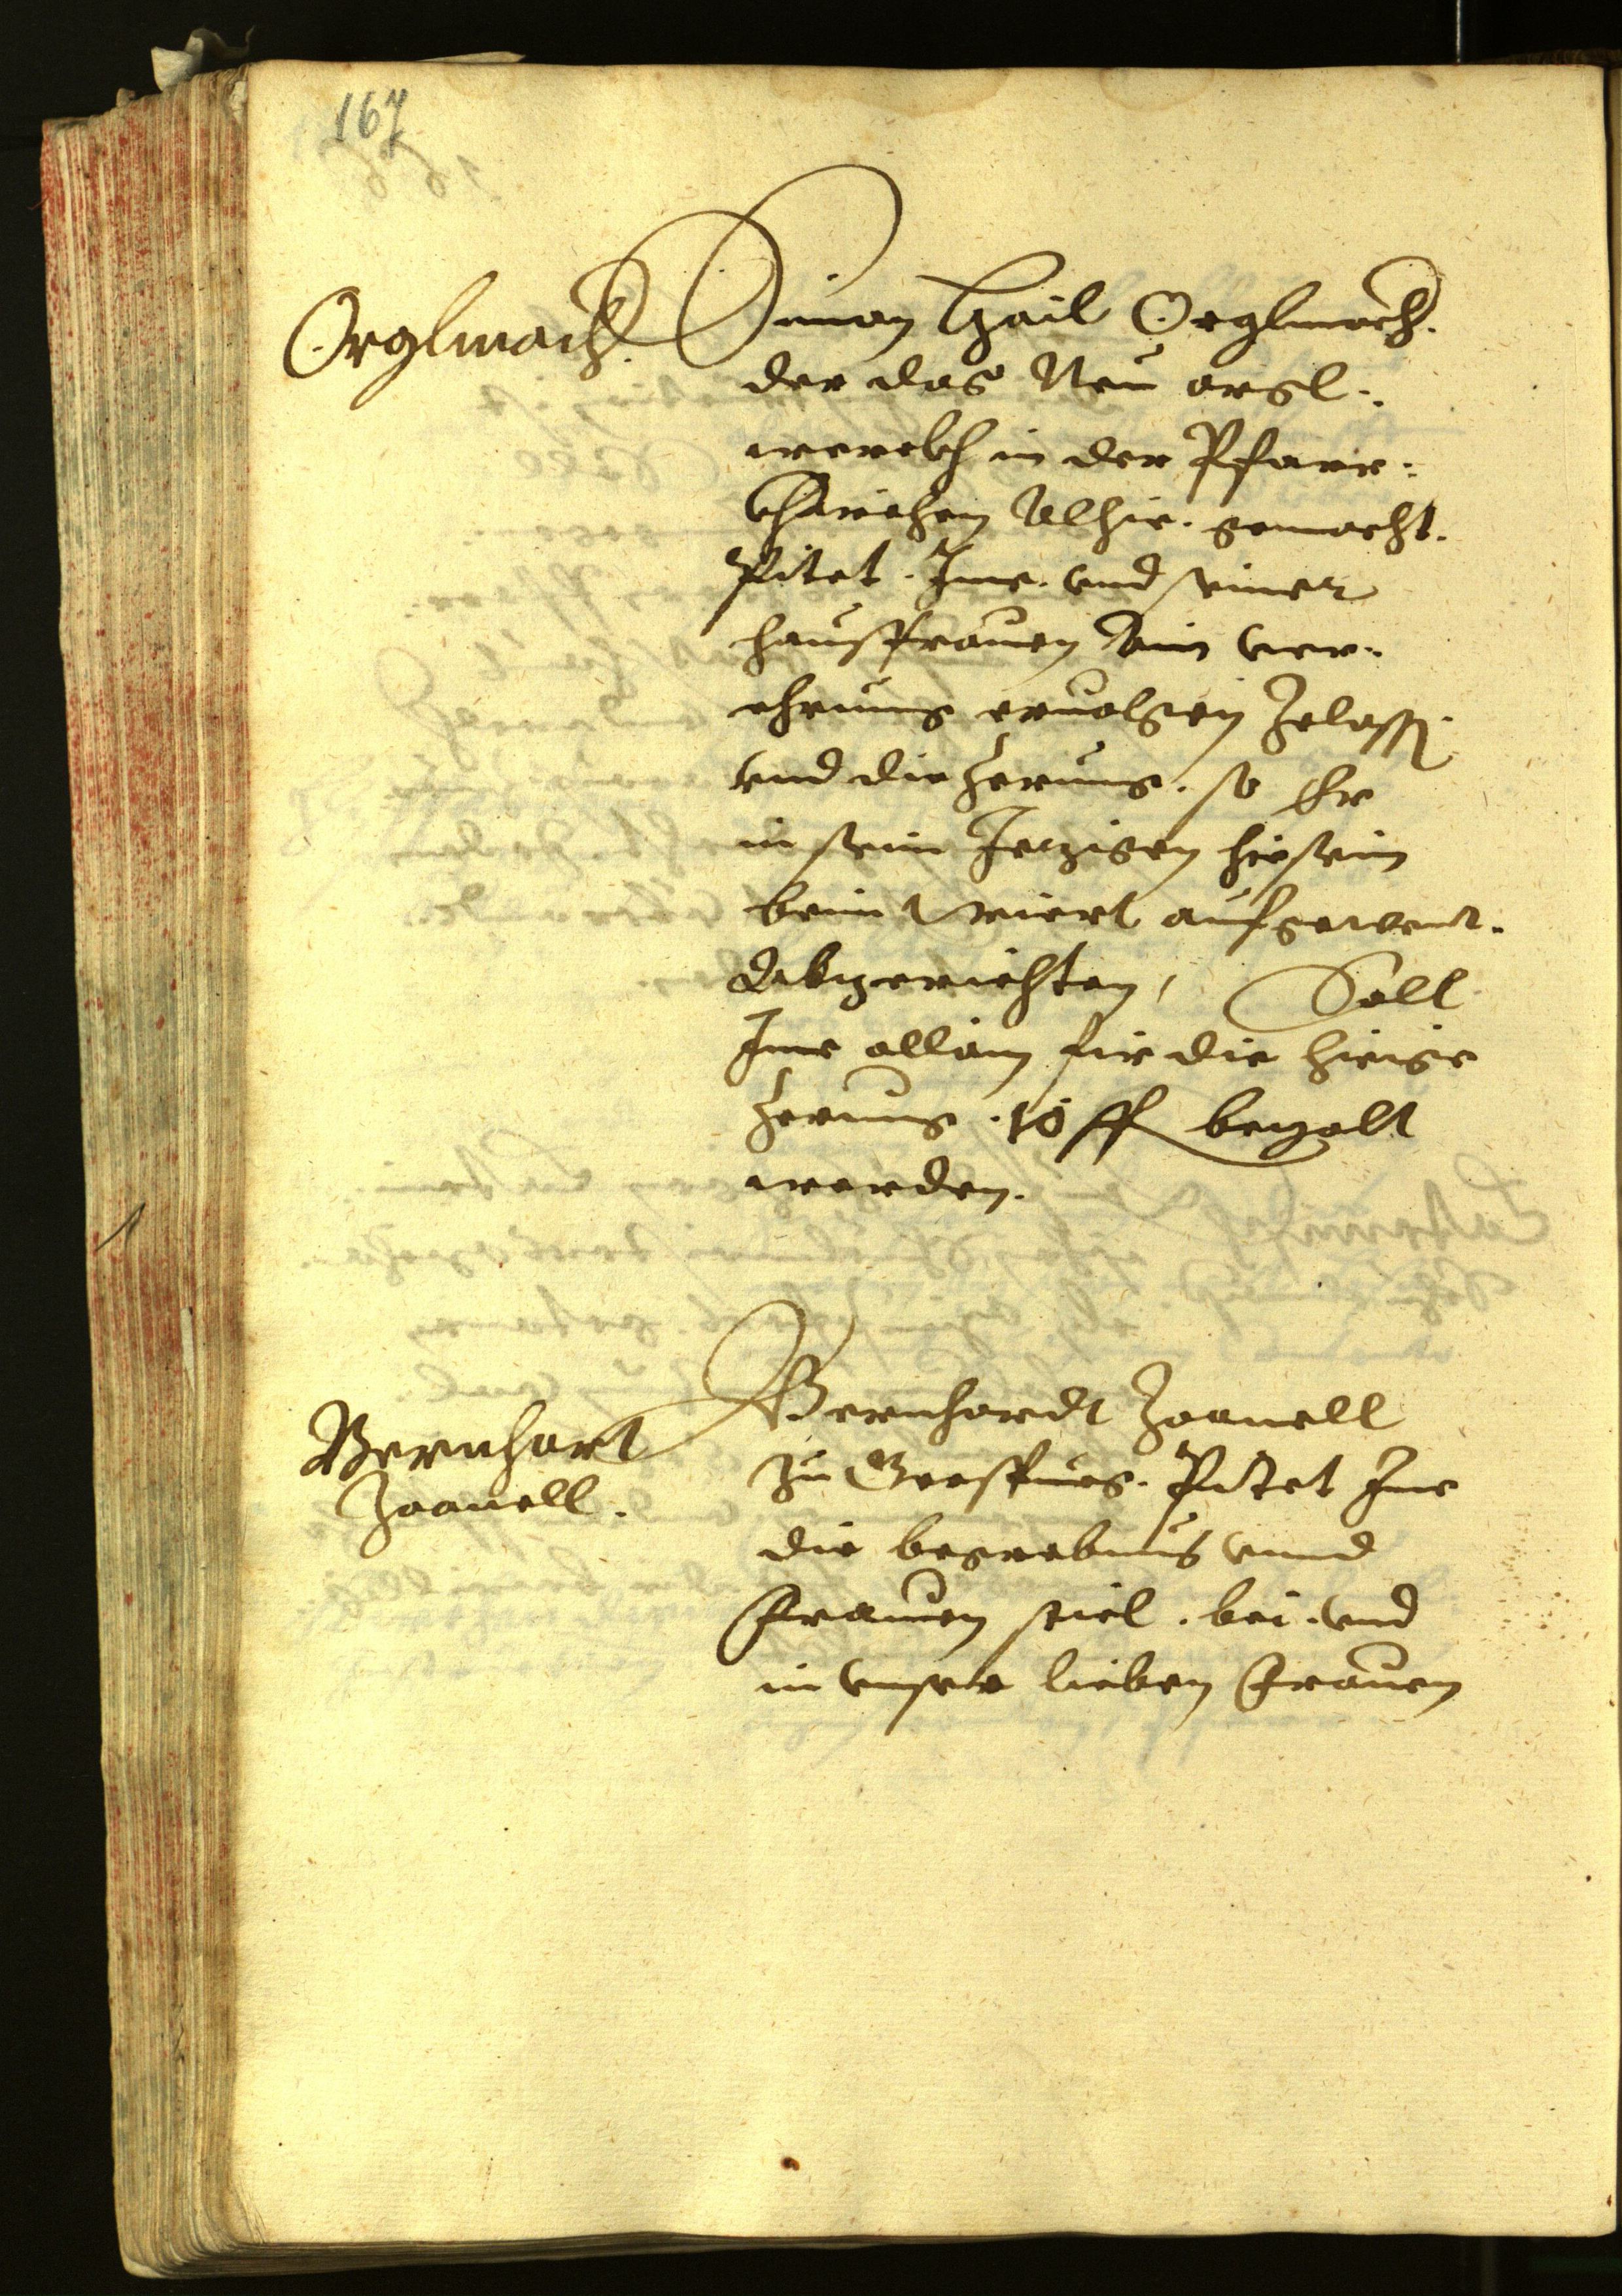167
Simon Hail Orglmach
der das Neū Orgl¬
werckh in der Pfarr¬
khirchen Alhie. gemacht.
Pitet. Ime. vnd seiner
haūsfraūen Ain ver¬
ehrūng erūolgen Zelass.
vnd die Zerūng. so Er
in sein Jetzigen hiesein
beim Wiert aūfgewent.
Abzerichten, Soll
Ime allain fir die hieige
Zerūng .10 fl bezalt
werden.
Orglmach.
Bernhardt Zoanell
Zū GersPūrg. Pitet Ime
die begrebūng vnnd
Fraūen stiel. bei. vnd
in vnser lieben Fraūen
Bernhart
Zoanell.